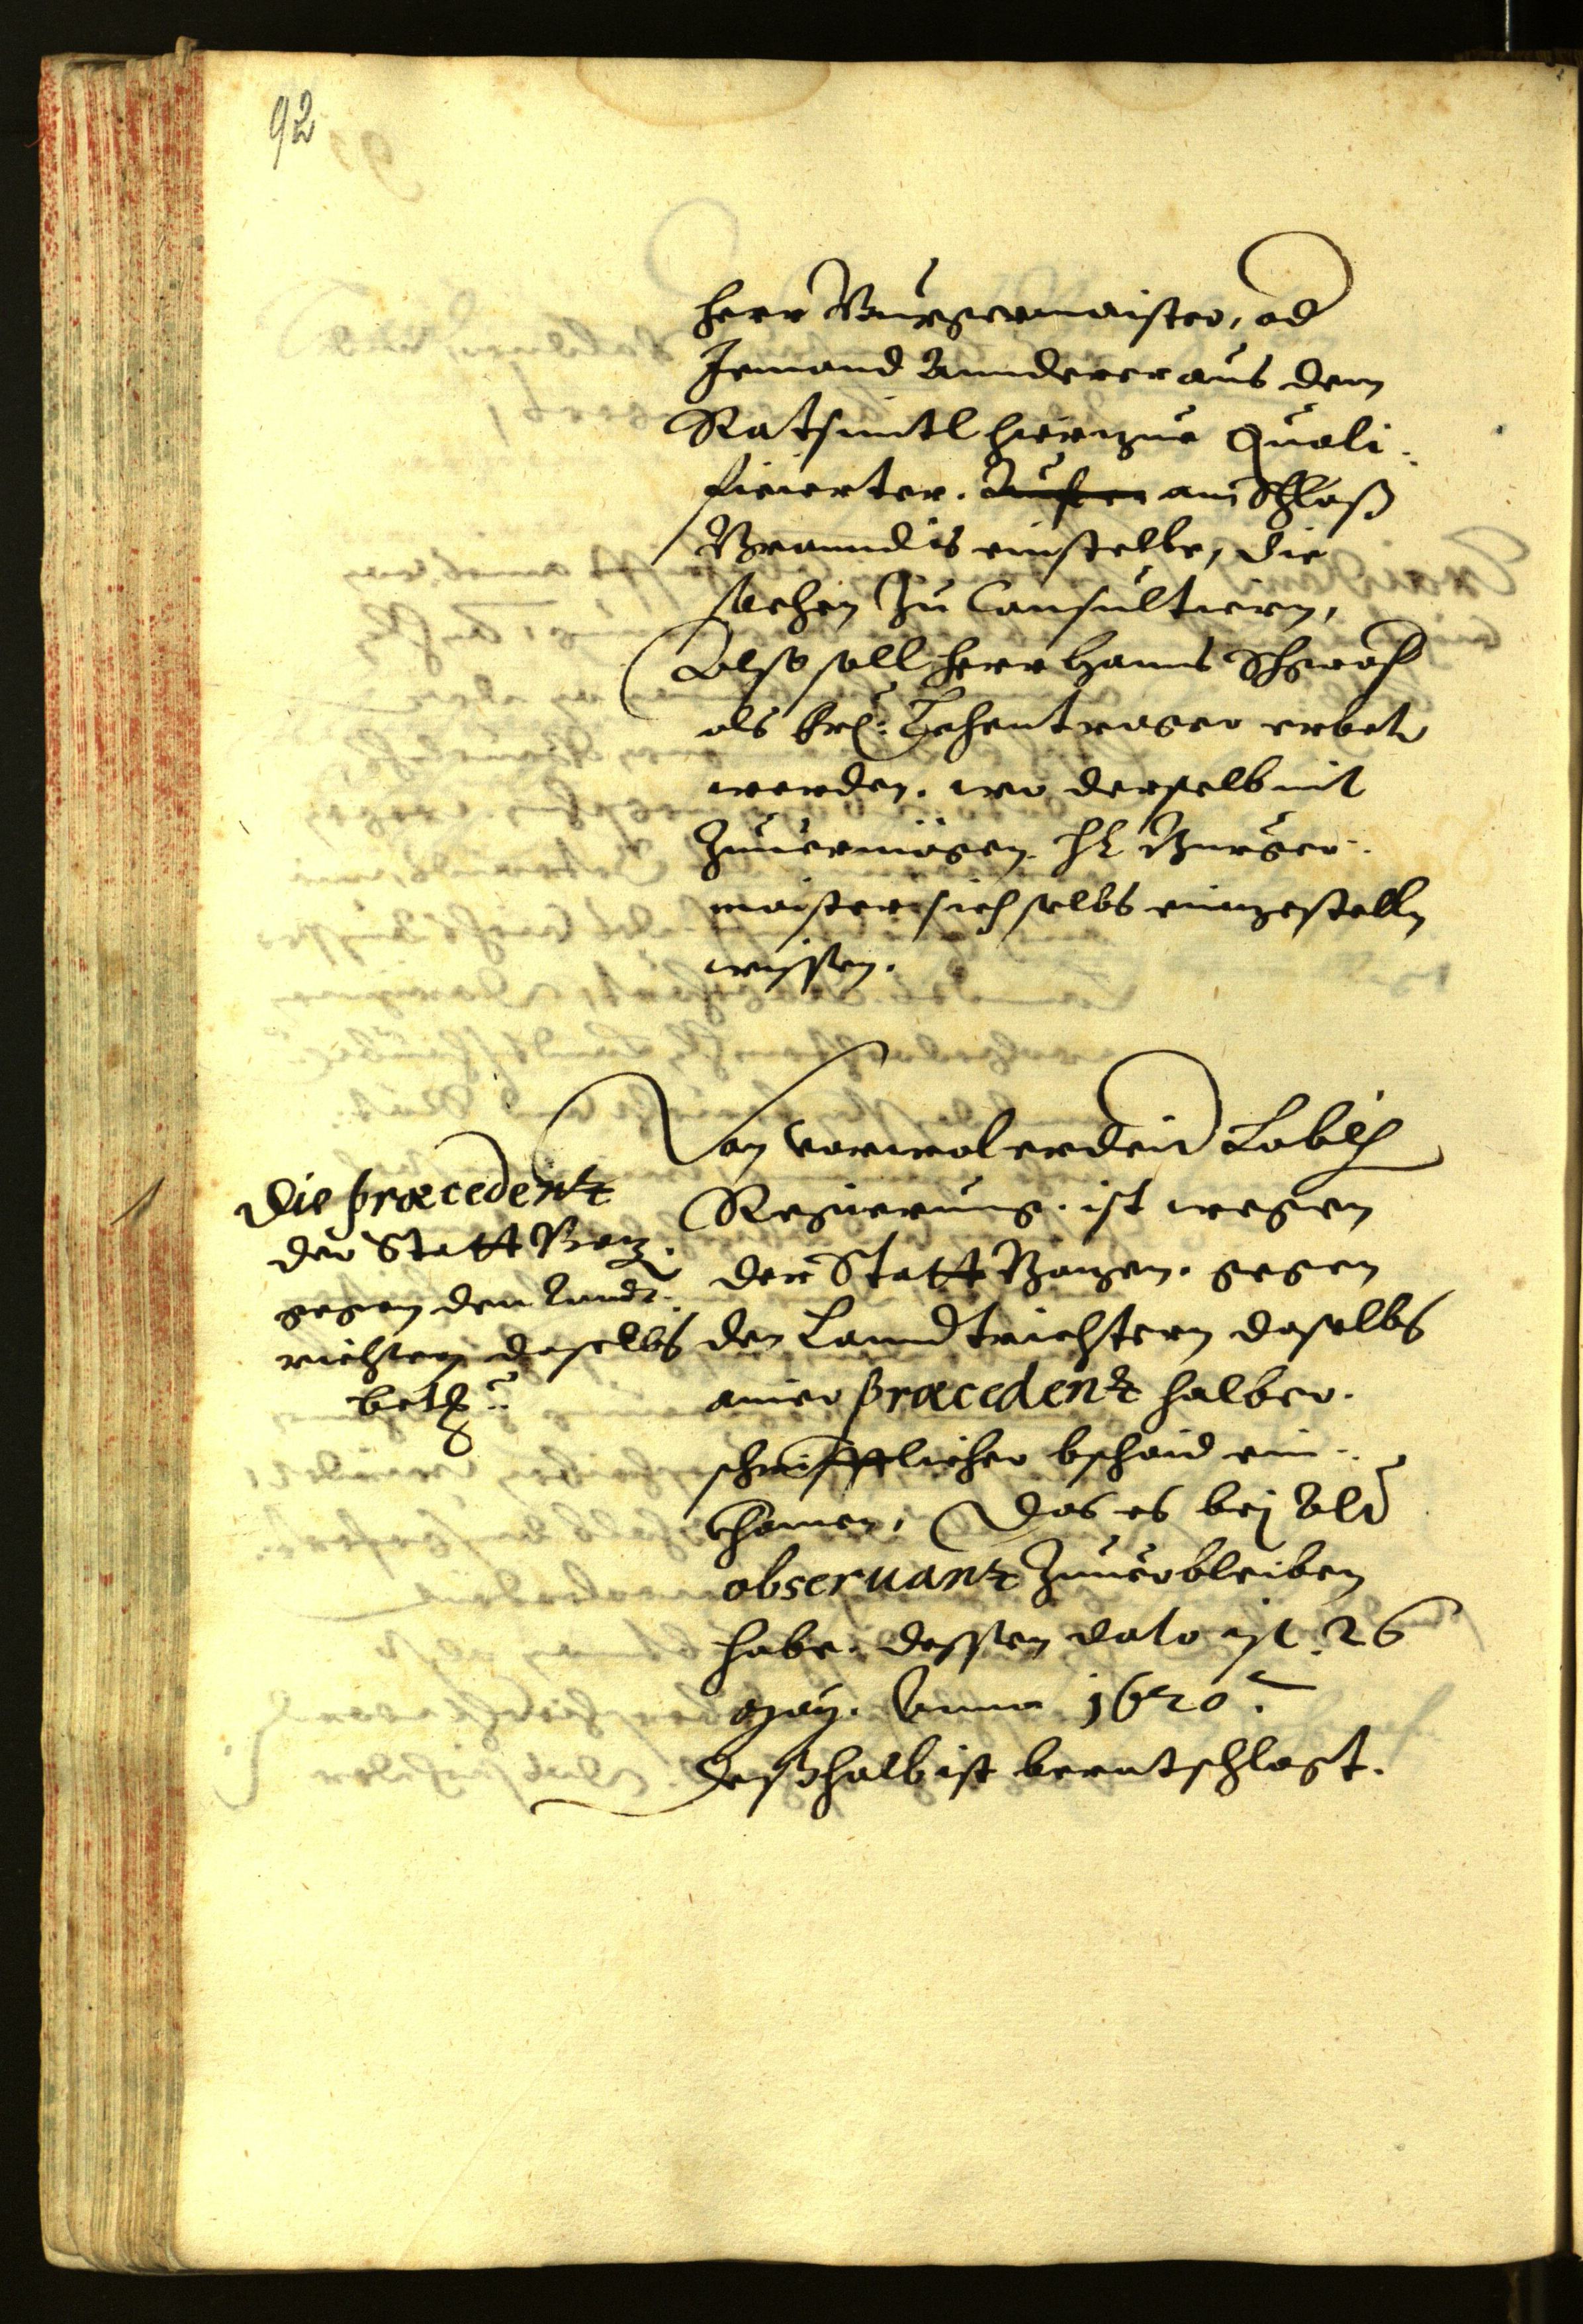92
herr Būrgermaister, od
Jemand Annderer aūs dem
Ratsmitl hierzūe qūali¬
ficierter. Aūf en am Schloß
Branndis einstelle, die
sachen Zū Consūltiern,
Also soll herr Hanns Schgraf
als Frl: Lehentrager erbet
werden. wo derselb nit
Zūūermögen hl Būrger¬
maister sich selbs einzestelln
wissen.
Von vorwolerdeit Loblh
Regierūng. ist wegen
der Statt Bozen. gegen
den Landtrichtern daselbs
ainer praecedenz halber.
schrifftlicher bschaid ein¬
khomen. Das es bej Ald
observanz Zūūerbleiben
habe. dessen dato ist .26
Maȳ. Anno 1620.t
Deßhalb ist beratschlagt.
Die praecedenz
der Statt Boz.
gegen den Landt¬
richter daselbig
bet: